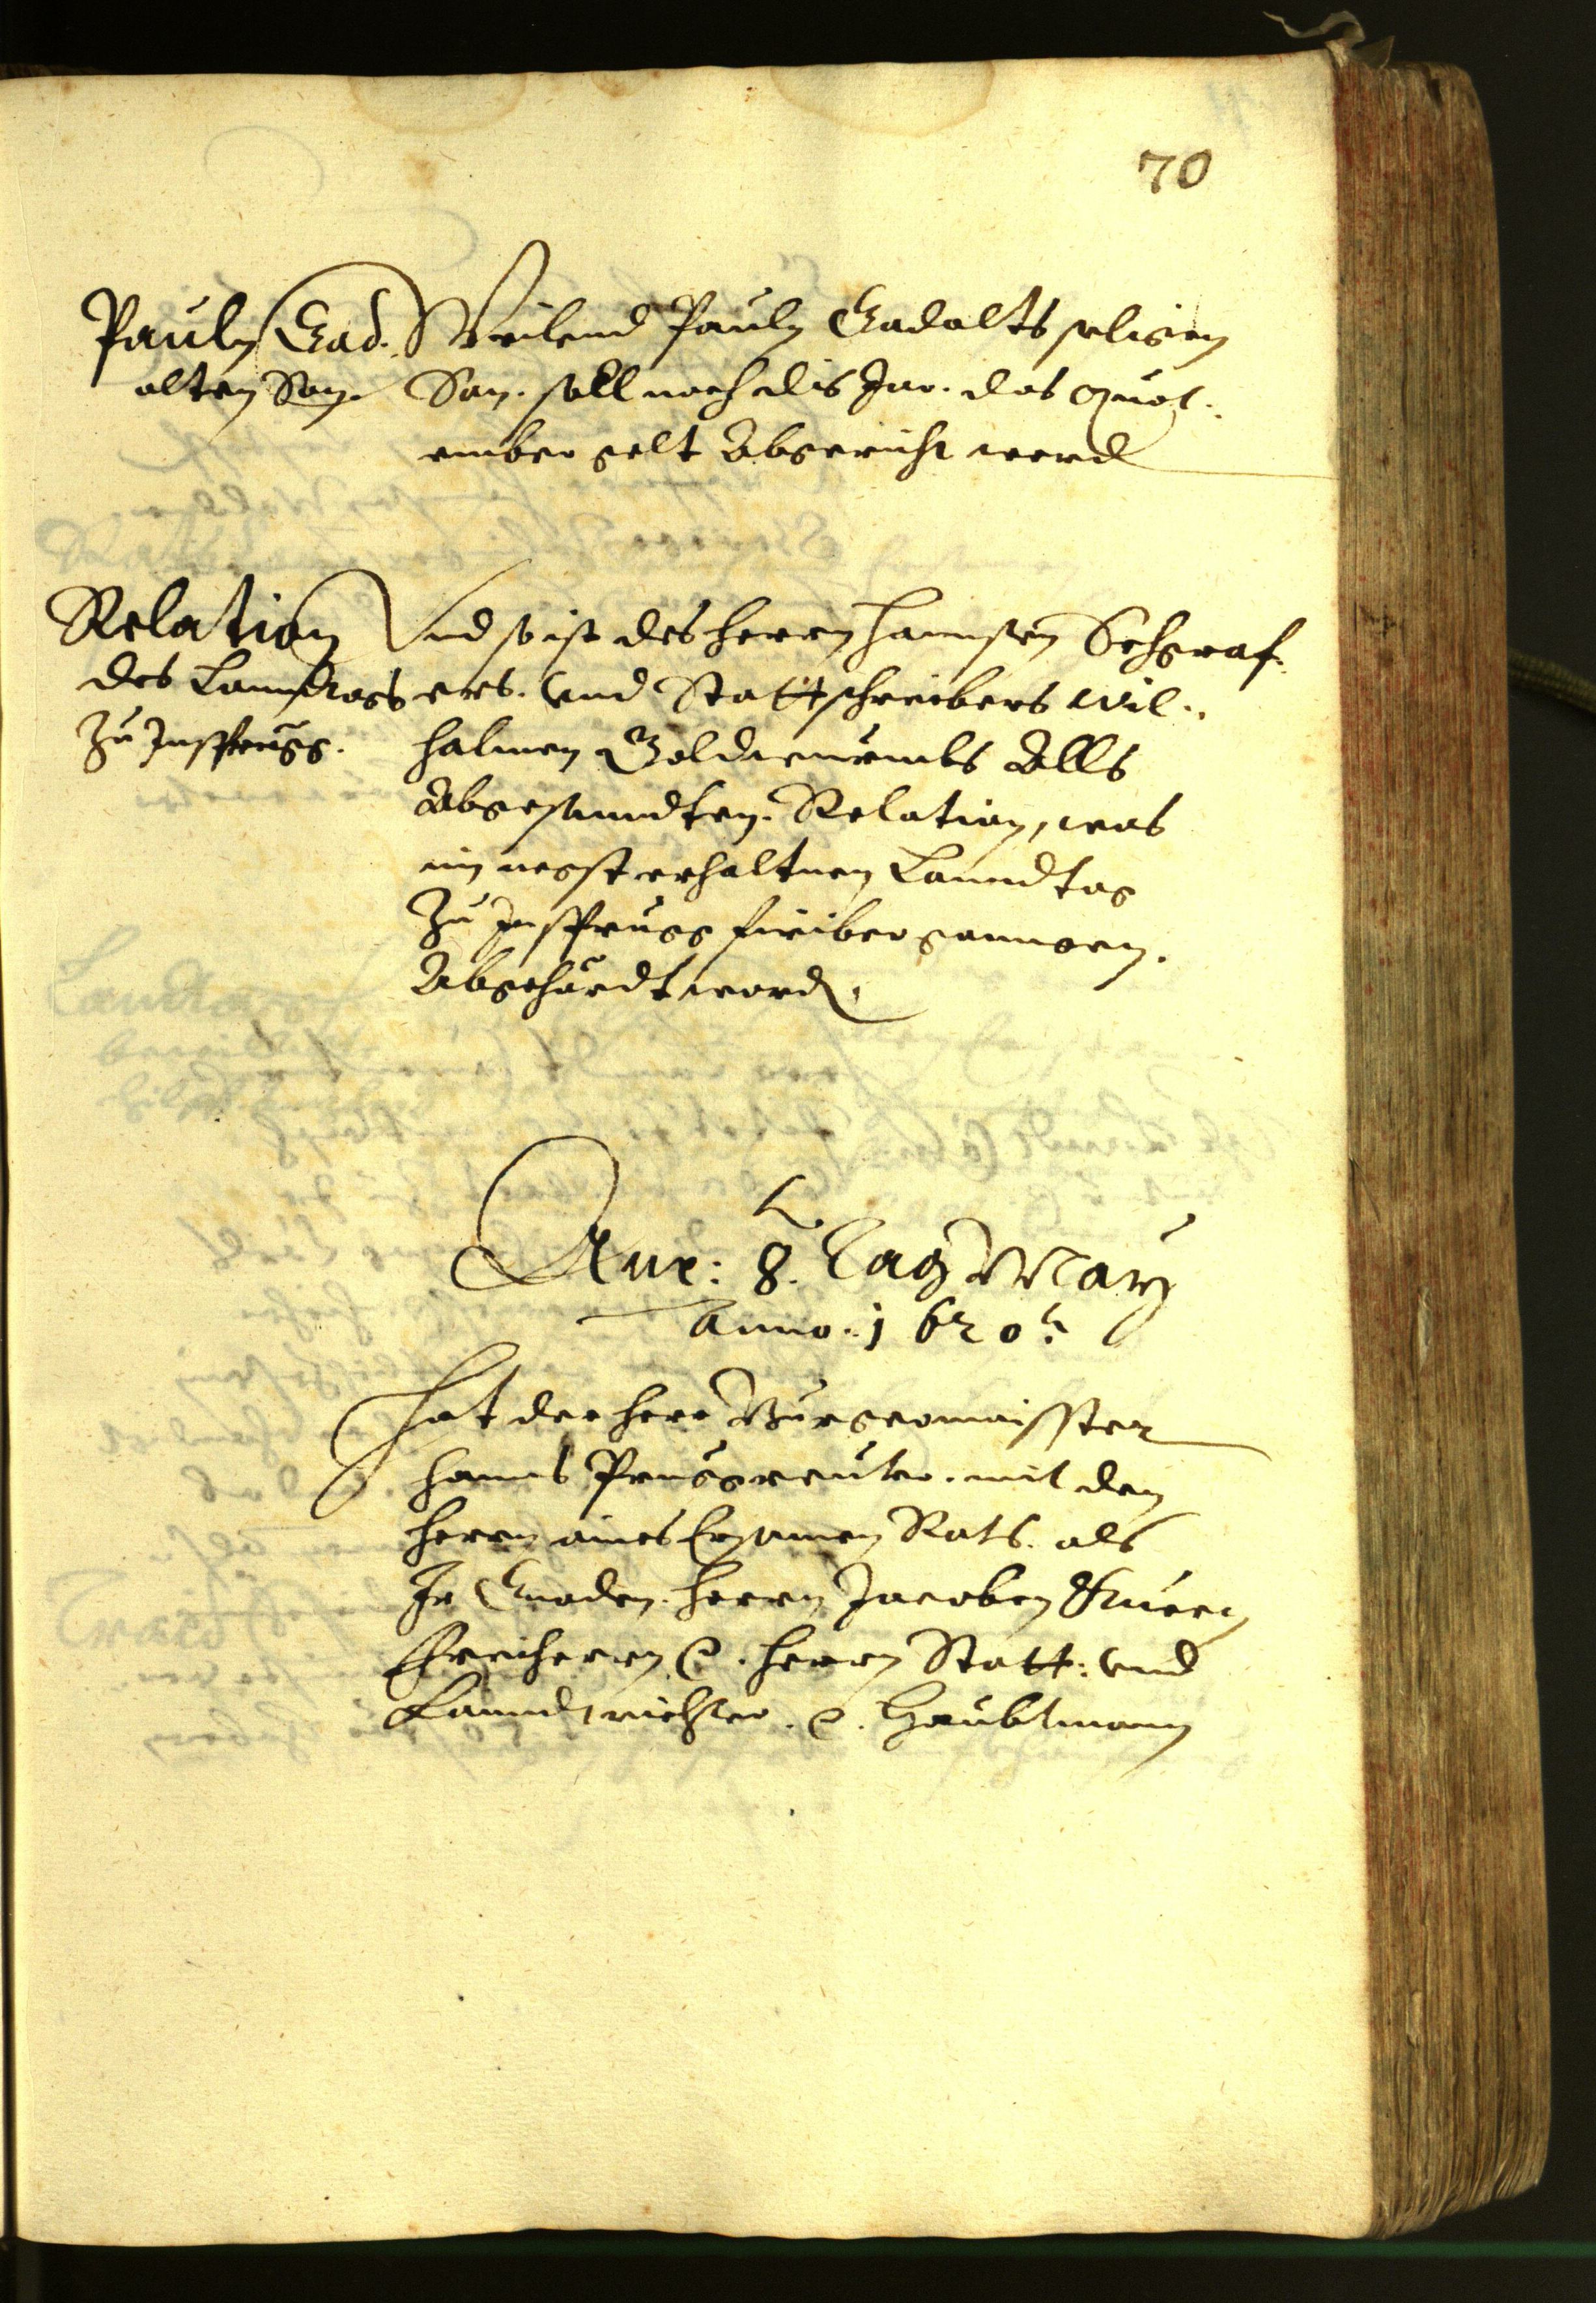70
Weilend Paūln Gadolts seligen
Son. soll noch dis Jar. das Qūat¬
ember gelt Abgericht werd
Paūln Gad¬
olten Son.
Relation
des Lanndtags
Zū InsPrūgg.
Vnd so ist des herrn hannsen Schgraf¬
ers. vnd Stattschreibers Wil¬
halmen Goldwūrmbs Alls
Abgesanndten. Relation, was
im negst erhaltnen Lanndtag
Zū InsPrūgg firiber ganngen.
Abgehōrdt word.
Am: 8t. Tag Maȳ
Anno: 1620 t.
hat der herr Būrgermaisster
hanns Prūggreūter. mit den
herrn aines Ersamen Rats. als
Ir Gnaden. herrn Jacoben Kūeen
Freiherrn etc. herrn Statt: vnd
Lanndtrichter. etc. Haūbtmann